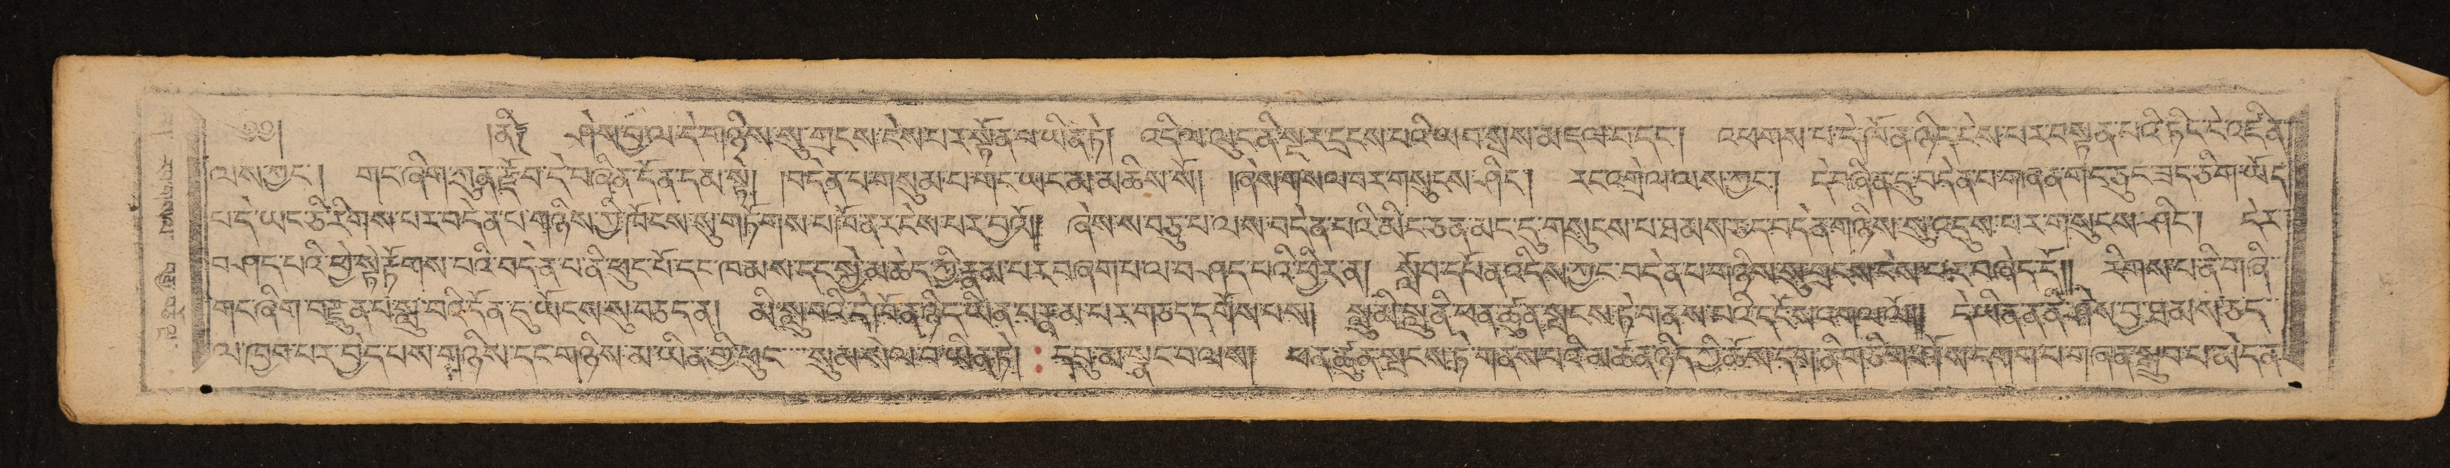༄༅། །ནི༑ ཤེས་བྱ་ལ་དེ་གཉིས་སུ་གྲངས་ངེས་པར་སྟོན་པ་ཡིན་ཏེ། འདི་ལ་ལུང་ནི་སྔར་དྲངས་པའི་ཡབ་སྲས་མཇལ་བ་དང་། འཕགས་པ་དེ་ཁོ་ན་ཉིད་ངེས་པར་བསྟན་པའི་ཏིང་ངེ་འཛིན་
ལས་ཀྱང་། གང་ཞིག་ཀུན་རྫོབ་དེ་བཞིན་དོན་དམ་སྟེ། །བདེན་པ་གསུམ་པ་གང་ཡང་མ་མཆིས་སོ། །ཞེས་གསལ་བར་གསུངས་ཤིང་། རང་འགྲེལ་ལས་ཀྱང་། དེ་བཞིན་དུ་བདེན་པ་གཞན་གང་ཅུང་ཟད་ཅིག་ཡོད་
པ་དེ་ཡང་ཅི་རིགས་པར་བདེན་པ་གཉིས་ཀྱི་ཁོངས་སུ་གཏོགས་པ་ཁོ་ནར་ངེས་པར་བྱའོ།། ཞེས་ས་བཅུ་པ་ལས་བདེན་པའི་མིང་ཅན་མང་དུ་གསུངས་པ་ཐམས་ཅད་བདེན་གཉིས་སུ་འདུས་པར་གསུངས་ཤིང་། དེར་
བཤད་པའི་ཕྱེ་སྟེ་རྟོགས་པའི་བདེན་པ་ནི་ཕུང་པོ་དང་ཁམས་དང་སྐྱེ་མཆེད་ཀྱི་རྣམ་པར་བཞག་པ་ལ་བཤད་པའི་ཕྱིར་ན། སློབ་དཔོན་འདིས་ཀྱང་བདེན་པ་གཉིས་སུ་གྲངས་ངེས་པར་བཞེད་དོ།། རིགས་པ་ནི་གཞི་
གང་ཞིག་བརྫུན་པ་སླུ་བའི་དོན་དུ་ཡོངས་སུ་བཅད་ན། མི་སླུ་བའི་དེ་ཁོ་ན་ཉིད་ཡིན་པ་རྣམ་པར་གཅད་དགོས་པས། སླུ་མི་སླུ་ནི་ཕན་ཚུན་སྤངས་ཏེ་གནས་པའི་དངོས་འགལ་ལོ།། དེ་ཡིན་ན་ནི་ཤེས་བྱ་ཐམས་ཅད་
ལ་ཁྱབ་པར་བྱེད་པས་གཉིས་དང་གཉིས་མ་ཡིན་གྱི་ཕུང་གསུམ་སེལ་བ་ཡིན་ཏེ། དབུ་མ་སྣང་བ་ལས། ཕན་ཚུན་སྤངས་ཏེ་གནས་པའི་མཚན་ཉིད་ཀྱི་ཆོས་དག་ནི་གཅིག་ཤོས་དགག་པ་གཞན་སྒྲུབ་པ་མེད་ན་